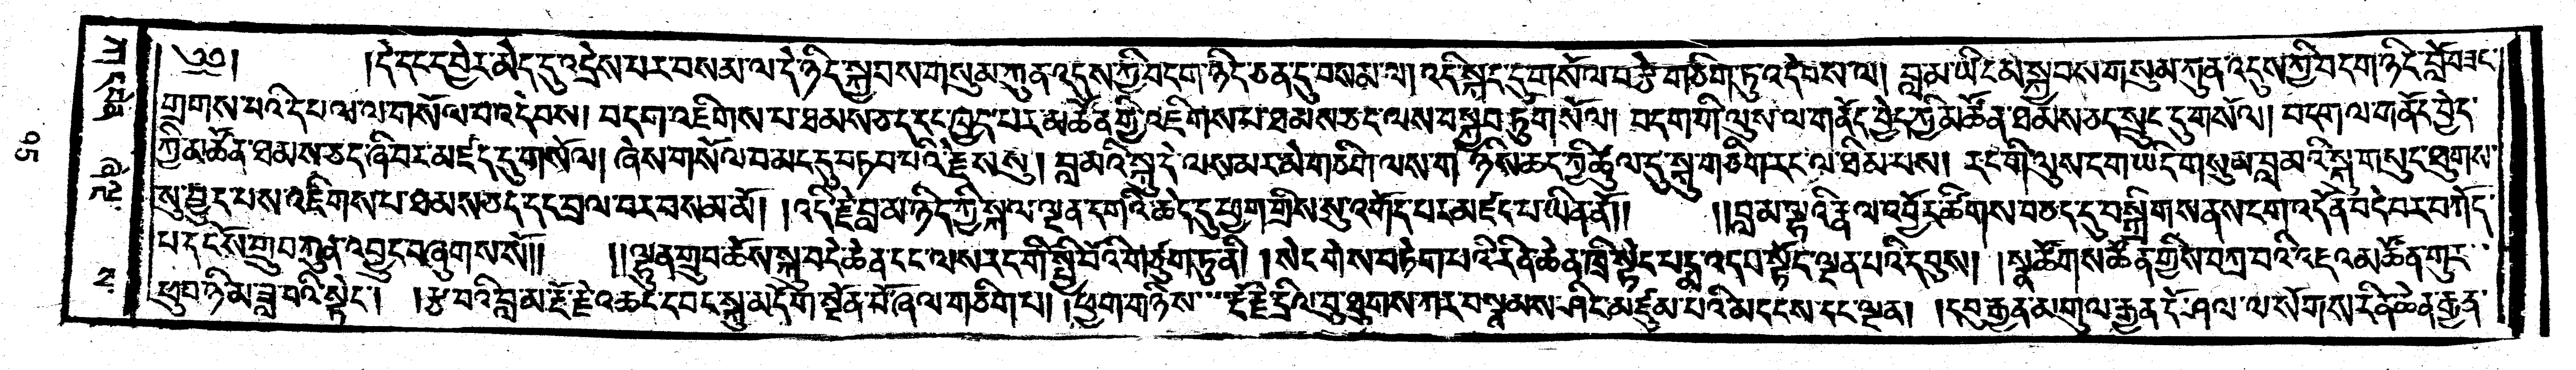༄༅། །དེ་དང་དབྱེར་མེད་དུ་འདྲེས་པར་བསམ་ལ་དེ་ཉིད་སྐྱབས་གསུམ་ཀུན་འདུས་ཀྱི་བདག་ཉིད་ཅན་དུ་བསམ་ལ། འདི་སྐད་དུ་གསོལ་བ་རྩེ་གཅིག་ཏུ་འདེབས་ལ། བླ་མ་ཡི་དམ་སྐྱབས་གསུམ་ཀུན་འདུས་ཀྱི་བདག་ཉིད་བློ་བཟང་
གྲགས་པའི་དཔལ་ལ་གསོལ་བ་འདེབས། བདག་འཇིགས་པ་ཐམས་ཅད་དང་ཁྱད་པར་མཚོན་གྱི་འཇིགས་པ་ཐམས་ཅད་ལས་བསྐྱབ་ཏུ་གསོལ། བདག་གི་ལུས་ལ་གནོད་བྱེད་ཀྱི་མཚོན་ཐམས་ཅད་སྲུང་དུ་གསོལ། བདག་ལ་གནོད་བྱེད་
ཀྱི་མཚོན་ཐམས་ཅད་ཞི་བར་མཛད་དུ་གསོལ། ཞེས་གསོལ་བ་མང་དུ་བཏབ་པའི་རྗེས་སུ། བླ་མའི་སྐུ་དེ་ལས་མར་མེ་གཅིག་ལས་གཉིས་ཆད་ཀྱི་ཚུལ་དུ་སྐུ་གཅིག་རང་ལ་ཐིམ་པས། རང་གི་ལུས་ངག་ཡིད་གསུམ་བླ་མའི་སྐུ་གསུང་ཐུགས་
སུ་བྱུང་པས་འཇིགས་པ་ཐམས་ཅད་དང་བྲལ་བར་བསམ་མོ། །འདི་རྗེ་བླ་མ་ཉིད་ཀྱི་སྐལ་ལྡན་དགའི་ཆེད་དུ་ཕྱག་གྲིས་སུ་འགོད་པར་མཛད་པ་ཡིན་ནོ།། །།བླ་མ་ལྷའི་རྣལ་འབྱོར་ཚིགས་བཅད་དུ་བསྒྲིགས་ནས་ངག་འདོན་བདེ་བར་བཀོད་
པ་དངོས་གྲུབ་ཀུན་འབྱུང་བཞུགས་སོ།། །།ལྷུན་གྲུབ་ཆོས་སྐུ་བདེ་ཆེན་ངང་ལས་རང་གི་སྤྱི་བོའི་གཙུག་ཏུ་ནི། །སེང་གེས་བཏེག་པའི་རིན་ཆེན་ཁྲི་སྟེང་པདམ་འདབ་སྟོང་ལྡན་པའི་དབུས། །སྣ་ཚོགས་ཚོན་གྱིས་བཀྲ་བའི་འཇའ་མཚོན་གུར་
ཕུབ་ཉི་མ་ཟླ་བའི་སྟེང་། །རྩ་བའི་བླ་མ་རྡོ་རྗེ་འཆང་དབང་སྐུ་མདོག་སྔོན་བོ་ཞལ་གཅིག་པ། །ཕྱག་གཉིས་རྡོ་རྗེ་དྲིལ་བུ་ཐུགས་ཀར་བསྣམས་ཤིང་མཛུམ་པའི་མདངས་དང་ལྡན། །དབུ་རྒྱན་མགུལ་རྒྱན་དོ་ཤལ་ལ་སོགས་རིན་ཆེན་རྒྱན་